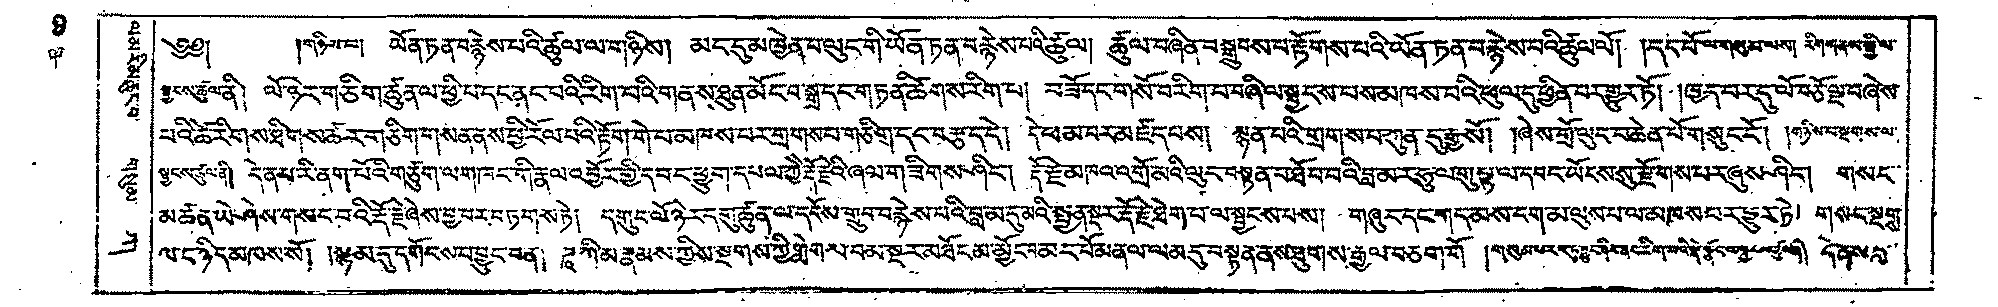༄༅། །གཉིས་པ།  ཡོན་ཏན་བརྙེས་པའི་ཚུལ་ལ་གཉིས། མང་དུ་མཁྱེན་པ་ལུང་གི་ཡོན་ཏན་བརྙེས་པའི་ཚུལ། ཚུལ་བཞིན་བསྒྲུབས་པ་རྟོགས་པའི་ཡོན་ཏན་བསྙེས་པའི་ཚུལ་ལོ། །དང་པོ་ལ་གསུམ་ལས། རིག་གནས་སྤྱི་ལ་
སྦྱངས་ཚུལ་ནི། ལོ་ཉེར་གཅིག་ཚུན་ལ་ཕྱི་པ་དང་ནང་པའི་རིག་པའི་གནས་ཐུན་མོང་བ་སྒྲ་དང་གཏན་ཚིགས་རིག་པ། བཟོ་དང་གསོ་བ་རིག་པ་བཞི་ལ་སྦྱངས་པས་མཁས་པའི་ཕུལ་དུ་ཕྱིན་པར་གྱུར་ཏོ། །ཁྱད་པར་དུ་ལོ་བཅོ་ལྔ་བཞེས་
པའི་ཚེ་རིགས་ཐིགས་ཚར་གཅིག་གསན་ནས་ཕྱི་རོལ་པའི་རྟོག་གེ་པ་མཁས་པར་གྲགས་པ་གཅིག་དང་བརྩད་དེ། དེ་ཕམ་པར་མཛད་པས། སྙན་པའི་གྲགས་པ་ཀུན་དུ་རྒྱསོ། །ཞེས་གྲོ་ལུང་པ་ཆེན་པོ་གསུང་ངོ། །གཉིས་པ་སྔགས་ལ་
སྦྱངས་ཚུལ་ནི། དེ་ནས་རི་ནག་པོའི་གཙུག་ལག་ཁང་གི་རྣལ་འབྱོར་གྱི་དབང་ཕྱུག་དཔལ་ཀྱཻ་རྡོ་རྗེའི་ཞལ་གཟིགས་ཤིང་། རྡོ་རྗེ་མཁའ་འགྲོ་མའི་ལུང་བསྟན་པ་ཐོབ་པའི་བླ་མ་ར་ཧུ་ལ་གུ་པྟ་ལ་དབང་ཡོངས་སུ་རྫོགས་པར་ཞུས་ཤིང་། གསང་
མཚན་ཡེ་ཤེས་གསང་བའི་རྡོ་རྗེ་ཞེས་བྱ་བར་བཏགས་ཏེ། དགུང་ལོ་ཉེར་དགུ་ཚུན་ལ་དངོས་གྲུབ་བརྙེས་པའི་བླ་མ་དུ་མའི་སྤྱན་སྔར་རྡོ་རྗེ་ཐེག་པ་ལ་སྦྱངས་པས། གཞུང་དང་གདམས་ངག་མ་ལུས་པ་ལ་མཁས་པར་གྱུར་ཏེ། གསང་སྔགས་
ལ་ང་ཉིད་མཁས་སོ། །སྙམ་དུ་དགོངས་པ་བྱུང་བ་ན། ཌཱ་ཀི་མ་རྣམས་ཀྱིས་སྔགས་ཀྱི་གླེགས་བམ་སྔར་མཐོང་མ་མྱོང་བ་མང་པོ་མནལ་ལམ་དུ་བསྟན་ནས་ཐུགས་རྒྱལ་བཅག་གོ་།གསུམ་པ་རབ་ཏུ་བྱུང་ཞིང་ནང་རིག་པའི་སྡེ་སྣོད་ལ་སྦྱར་ཚུལ་ནི།  དེ་ནས་བླ་